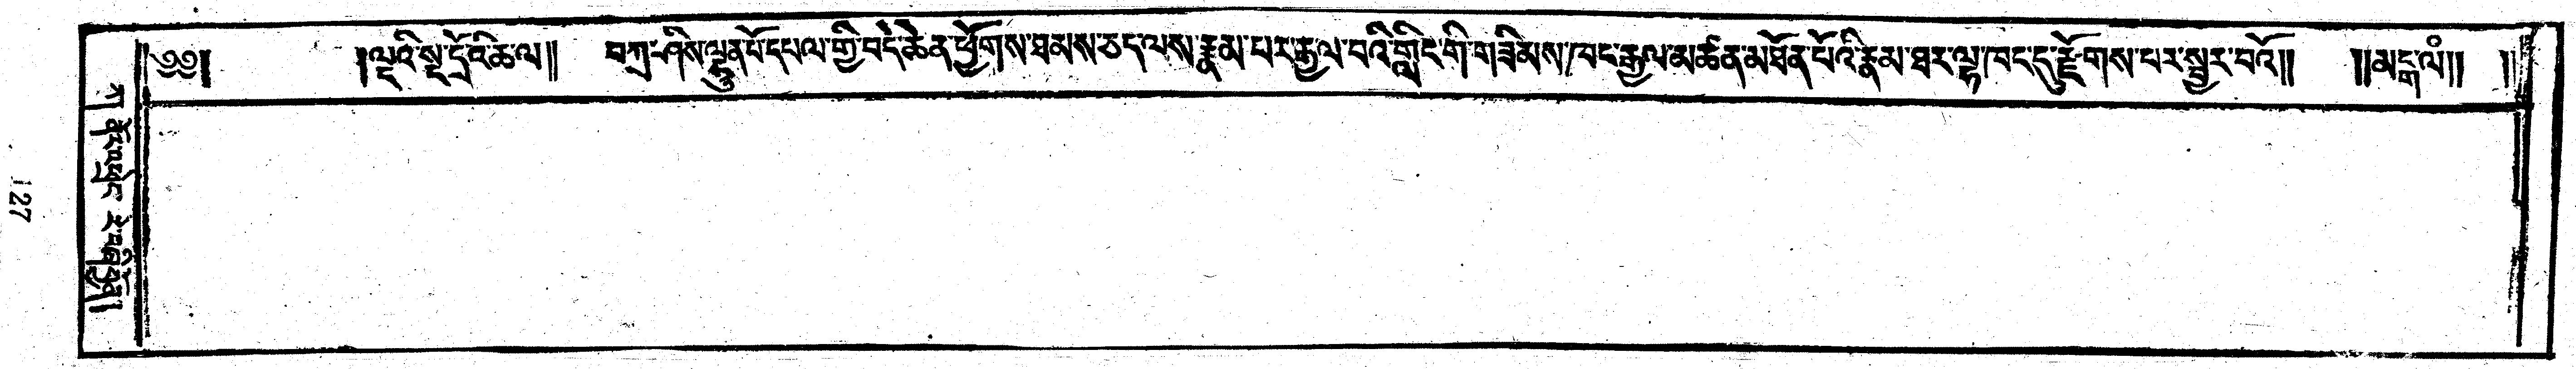༄༅། །ལྔའི་སྔ་དྲོའི་ཆ་ལ། བཀྲ་ཤིས་ལྷུན་པོ་དཔལ་གྱི་བདེ་ཆེན་ཕྱོགས་ཐམས་ཅད་ལས་རྣམ་པར་རྒྱལ་བའི་གླིང་གི་གཟིམས་ཁང་རྒྱལ་མཚན་མཐོན་པོའི་རྣམ་ཐར་ལྷ་ཁང་དུ་རྫོགས་པར་སྦྱར་བའོ།། །།མངྒ་ལཾ།། །།